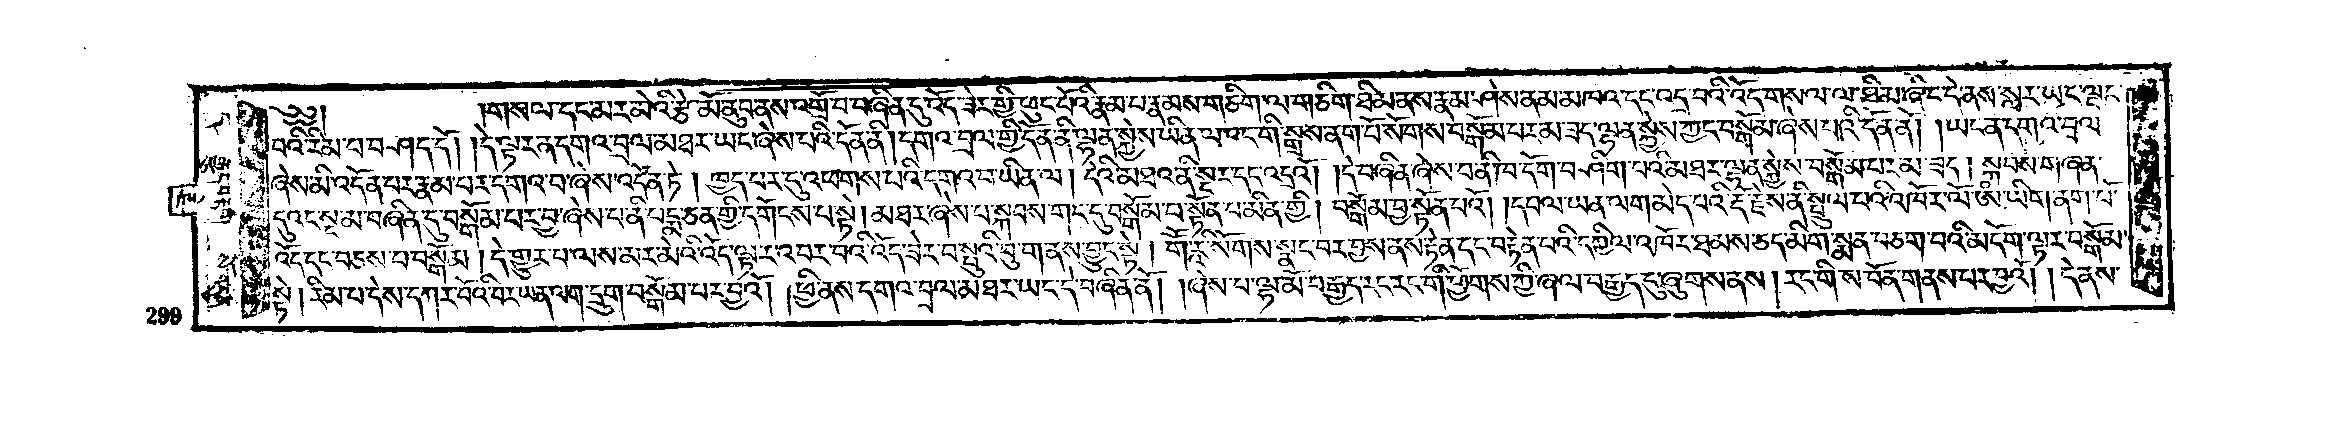༄༅། །གསལ་དང་མར་མེའི་རྩེ་མོ་ནུབ་ནས་འགྲོ་བ་བཞིན་དུ་འོད་ཟེར་གྱི་ཕུང་པོའི་རྣམ་པ་རྣམས་གཅིག་ལ་གཅིག་ཐིམ་ནས་རྣམ་ཤེས་ནམ་མཁའ་དང་འདྲ་བའི་འོད་གསལ་ལ་ཐིམ་ཞིང་དེ་ནས་སླར་ཡང་ལྡང་
བའི་རིམ་པ་བཤད་དོ། །དེ་ལྟར་ན་དགའ་བྲལ་མཐར་ཡང་ཞེས་པའི་དོན་ནི། དགའ་བྲལ་གྱི་དོན་ནི་ལྷ་སྐྱེས་ཡིན་ལའང་གི་སྒྲས་ནག་པོ་སོགས་བསྒོམ་པར་མ་ཟད་ལྷན་སྐྱེས་ཀྱང་བསྒོམ་ཞེས་པའི་དོན་ནོ། །ཡང་ན་དགའ་བྲལ་
ཞེས་མི་འདོན་པར་རྣམ་པར་དགའ་བ་ཞེས་འདོན་ཏེ། ཁྱད་པར་དུ་འཕགས་པའི་དགའ་བ་ཡིན་ལ། དེའི་མཐའ་ནི་སྔར་དང་འདྲའོ། །དེ་བཞིན་ཞེས་པ་ནི་ཁ་དོག་བཤིག་པའི་མཐར་ལྷན་སྐྱེས་བསྒོམ་པར་མ་ཟད། སྐབས་གཞན་
དུའང་སྔ་མ་བཞིན་དུ་བསྒོམ་པར་བྱ་ཞེས་པ་ནི་པདམ་ཅན་གྱི་དགོངས་པ་སྟེ། མཐར་ཞེས་པ་སྐབས་གང་དུ་བསྒོམ་པ་སྟོན་པ་མིན་གྱི། བསྒོམ་བྱ་སྟོན་པའོ། །དཔལ་ཡན་ལག་མེད་པའི་རྡོ་རྗེས་ནི་སྤྲུལ་པའི་འཁོར་ལོ་ཨཾ་ཡིག་ནག་པོ་
འོད་དང་བཅས་པ་བསྒོམ། དེ་གྱུར་པ་ལས་མར་མེའི་འོད་ལྟར་འབར་བའི་འོད་ཟེར་བ་སྤུའི་བུ་ག་ནས་བྱུང་སྟེ། གཽ་རཱི་སོགས་སྣང་བར་བྱས་ནས་རྟེན་དང་བརྟེན་པའི་དཀྱིལ་འཁོར་ཐམས་ཅད་མིག་སྨན་བཅག་པའི་མདོག་ལྟར་བསྒོམ་
སྟེ། རིམ་པ་དེས་དཀར་པོའི་བར་ཡན་ལག་དྲུག་བསྒོམ་པར་བྱའོ། །ཕྱི་ནས་དགའ་བྲལ་མཐར་ཡང་དེ་བཞིན་ནོ། །ཞེས་པ་ལྷ་མོ་བརྒྱད་རང་རང་གི་ཕྱོགས་ཀྱི་ཞལ་བརྒྱད་དུ་ཞུགས་ནས། རང་གི་ས་བོན་གནས་པར་བྱའོ། །དེ་ནས་